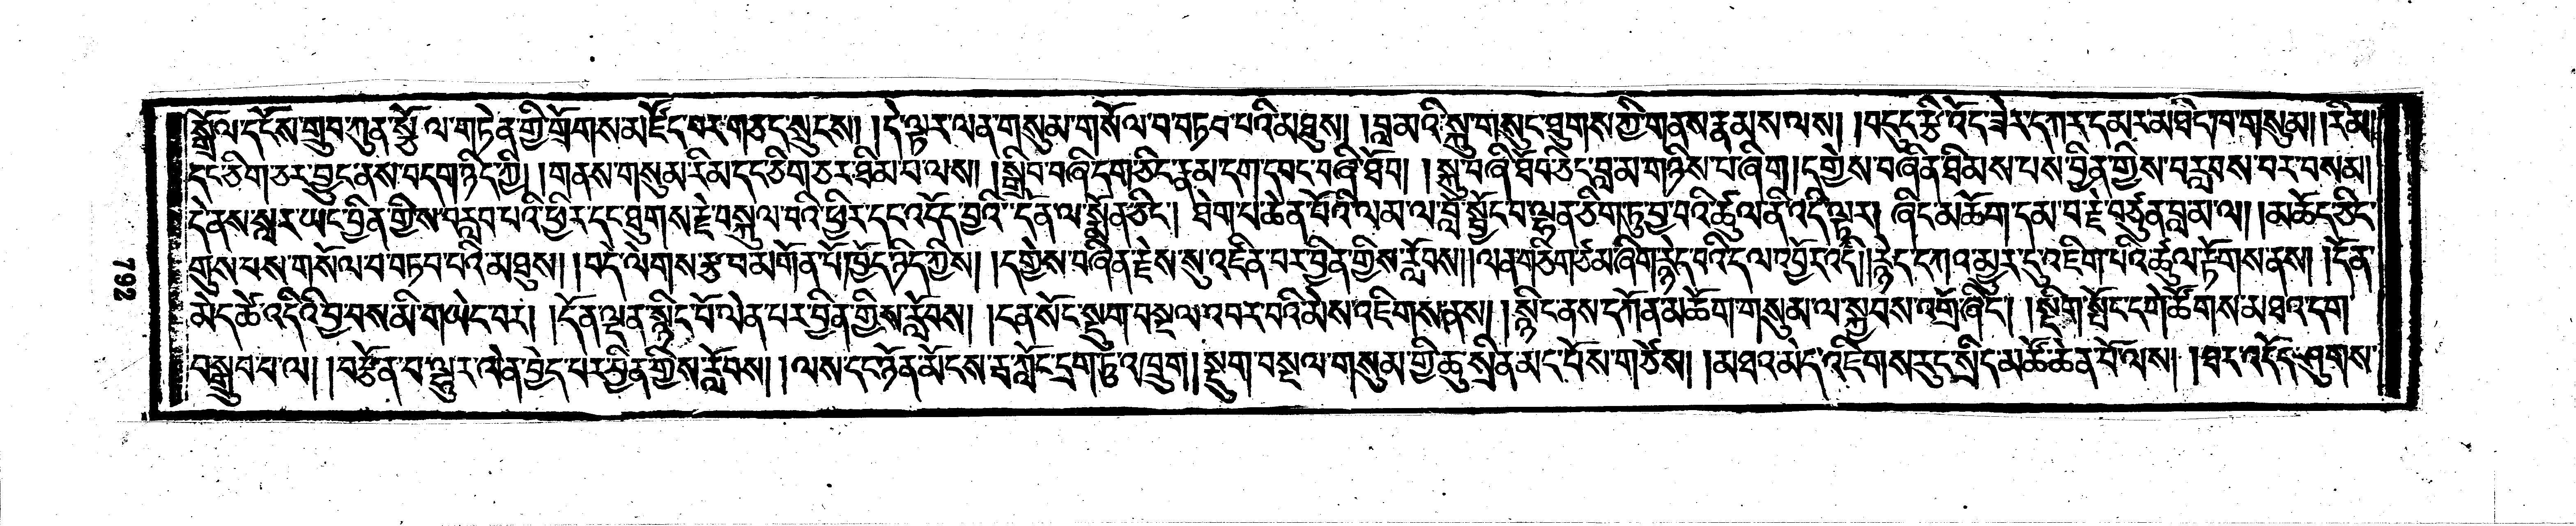སྒྲོལ་དངོས་གྲུབ་ཀུན་སྩོལ་གཏན་གྱི་གྲོགས་མཛོད་བར་གཅོད་སྲུངས། །དེ་ལྟར་ལན་གསུམ་གསོལ་བ་བཏབ་པའི་མཐུས། །བླ་མའི་སྐུ་གསུང་ཐུགས་ཀྱི་གནས་རྣམས་ལས། །བདུད་རྩི་འོད་ཟེར་དཀར་དམར་མཐིང་ཁ་གསུམ། །རིམ་
དང་ཅིག་ཅར་བྱུང་ནས་བདག་ཉིད་ཀྱི། །གནས་གསུམ་རིམ་དང་ཅིག་ཅར་ཐིམ་པ་ལས། །སྒྲིབ་བཞི་དག་ཅིང་རྣམ་དག་དབང་བཞི་ཐོབ། །སྐུ་བཞི་ཐོབ་ཅིང་བླ་མ་གཉིས་པ་ཞིག །དགྱེས་བཞིན་ཐིམས་པས་བྱིན་གྱིས་བརླབས་པར་བསམ།
དེ་ནས་སླར་ཡང་བྱིན་གྱིས་བརླབ་པའི་ཕྱིར་དང་ཐུགས་རྗེ་བསྐུལ་བའི་ཕྱིར་དང་འདོད་བྱའི་དོན་ལ་སྨོན་ཅིང་། ཐེག་པ་ཆེན་པོའི་ལམ་ལ་བློ་སྦྱོང་བ་ལྷན་ཅིག་ཏུ་བྱ་བའི་ཚུལ་ནི་འདི་ལྟར། ཞིང་མཆོག་དམ་པ་རྗེ་བཙུན་བླ་མ་ལ། །མཆོད་ཅིང་
གུས་པས་གསོལ་བ་བཏབ་པའི་མཐུས། །བདེ་ལེགས་རྩ་བ་མགོན་པོ་ཁྱོད་ཉིད་ཀྱིས། །དགྱེས་བཞིན་རྗེས་སུ་འཛིན་པར་བྱིན་གྱིས་རློབས། །ལན་གཅིག་ཙམ་ཞིག་རྙེད་པའི་དལ་འབྱོར་འདི། །རྙེད་དཀའ་མྱུར་དུ་འཇིག་པའི་ཚུལ་རྟོགས་ནས། །དོན་
མེད་ཚེ་འདིའི་བྱ་བས་མི་གཡེང་བར། །དོན་ལྡན་སྙིང་པོ་ལེན་པར་བྱིན་གྱིས་རློབས། །ངན་སོང་སྡུག་བསྔལ་འབར་བའི་མེས་འཇིགས་ནས། །སྙིང་ནས་དཀོན་མཆོག་གསུམ་ལ་སྐྱབས་འགྲོ་ཞིང་། །སྡིག་སྤོང་དགེ་ཚོགས་མཐའ་དག་
བསྒྲུབ་པ་ལ། །བརྩོན་པ་ལྷུར་ལེན་བྱེད་པར་བྱིན་གྱིས་རློབས། །ལས་དང་ཉོན་མོངས་རྦ་ཀློང་དྲག་ཏུ་འཁྲུག །སྡུག་བསྔལ་གསུམ་གྱི་ཆུ་སྲིན་མང་པོས་གཙེས། །མཐའ་མེད་འཇིགས་རུང་སྲིད་མཚོ་ཆེན་པོ་ལས། །ཐར་འདོད་ཤུགས་